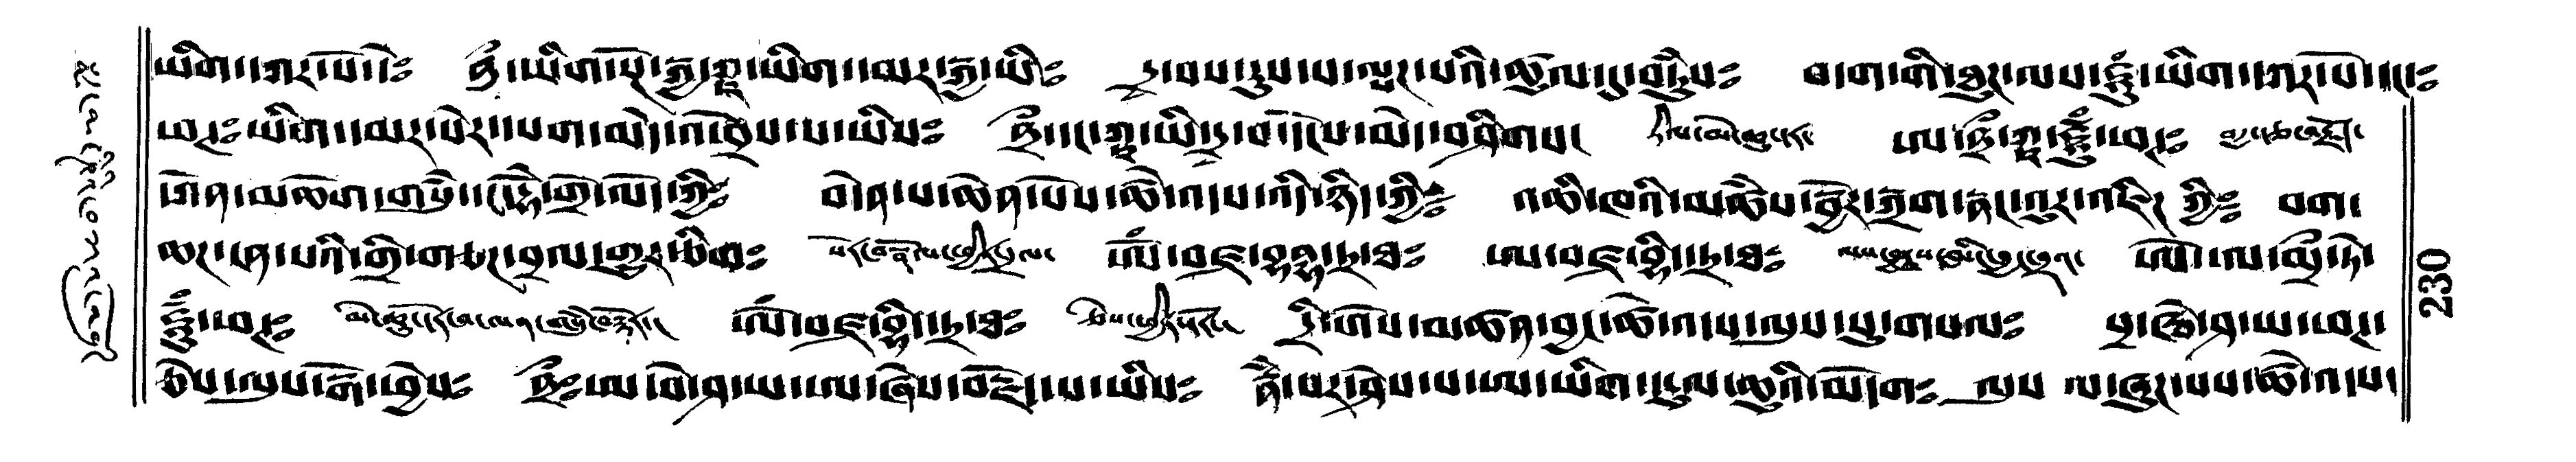ཡིག་དཀར་པོ་དེཿ ཧྲྀ་ཡིག་སྔོ་སྐྱ་ཀྵ་ཡིག་དམར་སྐྱ་ཡིཿ དྲྭ་བས་རུས་པ་སྤགས་པའི་ཚུལ་དུ་བཏུམསཿ བདག་གི་ཐུགས་ལས་ཧཱུཾ་ཡིག་དཀར་པོ་དངཿ 
ཕཊཿཡིག་དམར་པོ་དཔག་མེད་འཕྲོས་པ་ཡིསཿ ཧྲྀ་དང་ཀྵ་ཡི་དྲྭ་བ་དངོས་མེད་འཛིགཿ ཏིལ་མེ་ཆུ་དར། ཨ་ཧྲྀ་ཀྵ་ཧཱུྃ་ཕཊ་ཿ བརྒྱ་རྩ་རྗོད། 
དཀོན་མཆོག་གསུམ་དང་རྡོ་རྗེ་གྲོ་ལོད་ཀྱིཿ བདེན་པ་ཆེན་པོས་ཚེ་འདས་འདི་ཉིད་ཀྱི༔ འཆི་ཁའི་མཚམས་སྦྱོར་སྐྲག་སྣང་འུར་འཇིགས་ཀྱི༔ བག་
ཆགས་ངན་པའི་གྲི་གཅགས་བྲལ་གྱུར་ཅིག སོར་བསྣོལ་ཕྱིར་དྲལ། ཨོཾ་བཛྲ་བྷནྡྷ་ཏྲ་ཐཿ ཨ་བཛྲ་བྷིད་ཏྲ་ཐཿ ལས་ངགས་མིང་བྱང་བྲན། ཨོཾ་ཨ་མྲྀ་ཏེ་
ཧཱུྃ་ཕཊཿམེ་ཆུ་དོར་བ་ལན་གསུམ་བསྐོར། ཨོཾ་བཛྲ་བྷིད་ཏྲ་ཐཿ ཅེས་ཕྱིར་དོར། དྲི་གོས་མཚན་བྱང་ཚེ་འདས་ལུས་སུ་གསལཿ པྲ་ཝེ་ཤ་ཡ་ཕཊ་
ཅེས་ལུས་སྒོ་ཕྱེསཿ ནྲྀ་ཿཨ་བེ་ཤ་ཡ་ཨ་ཞེས་བརྗོད་པ་ཡིསཿ རྣམ་པར་ཤེས་པ་ཨ་ཡིག་དངུལ་ཆུའི་མདོགཿ ལུས་ལ་ཞུགས་པས་ཚེ་འདས་